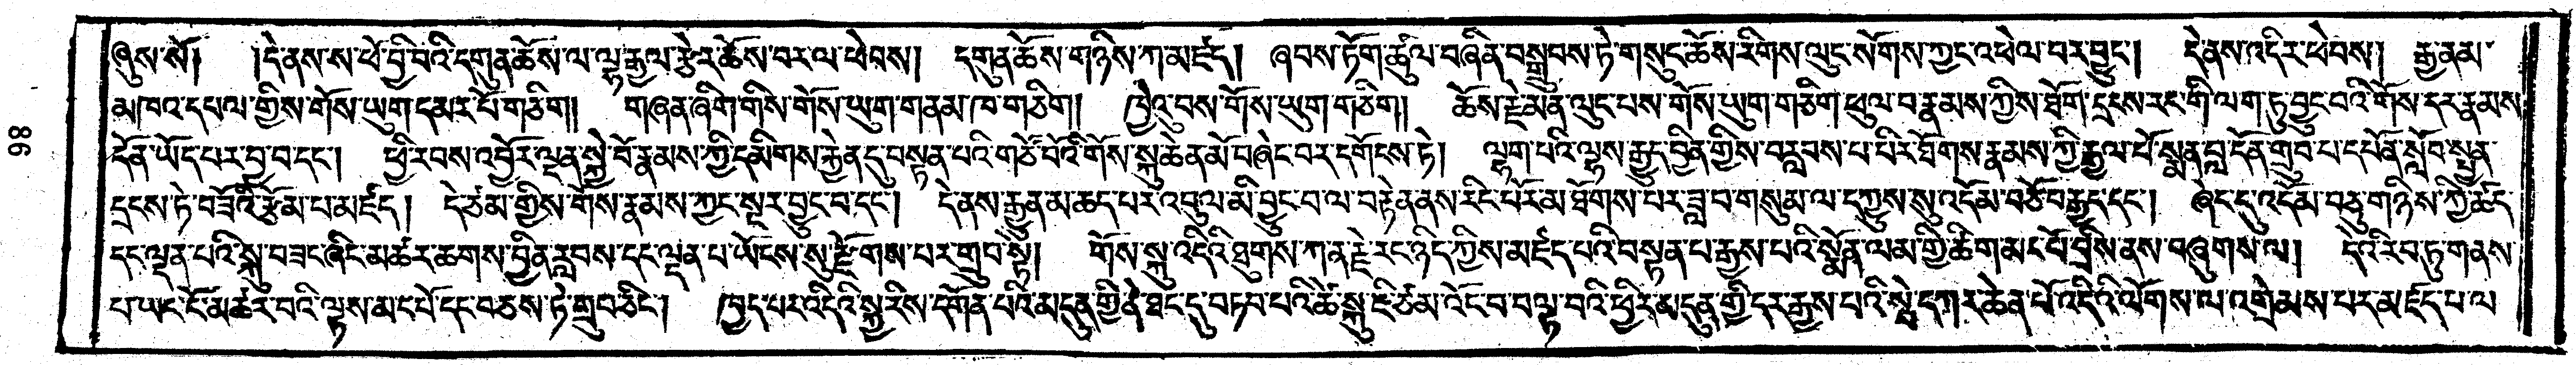ཞུས་སོ། །དེ་ནས་ས་ཕོ་བྱི་བའི་དགུན་ཆོས་ལ་ལྷ་རྒྱལ་རྩེར་ཆོས་བར་ལ་ཕེབས། དགུན་ཆོས་གཉིས་ཀ་མཛད། ཞབས་ཏོག་ཚུལ་བཞིན་བསྒྲུབས་ཏེ་གསུང་ཆོས་རིགས་ལུང་སོགས་ཀྱང་འཕེལ་བར་བྱུང་། དེ་ནས་འདིར་ཕེབས། རྒྱ་ནམ་
མཁའ་དཔལ་གྱིས་གོས་ཡུག་དམར་པོ་གཅིག། གཞན་ཞིག་གིས་གོས་ཡུག་གནམ་ཁ་གཅིག། ཁྱེའུ་བས་གོས་ཡུག་གཅིག། ཆོས་རྗེ་མན་ལུང་པས་གོས་ཡུག་གཅིག་ཕུལ་བ་རྣམས་ཀྱིས་ཐོག་དྲངས་རང་གི་ལག་ཏུ་བྱུང་བའི་གོས་དར་རྣམས་
དོན་ཡོད་པར་བྱ་བ་དང་། ཕྱི་རབས་འབྱོར་ལྡན་སྐྱེ་བོ་རྣམས་ཀྱི་དམིགས་རྐྱེན་དུ་བསྟན་པའི་གཙོ་བོའི་གོས་སྐུ་ཆེན་མོ་བཞེང་བར་དགོངས་ཏེ། ལྷག་པའི་ལྷས་རྒྱུད་བྱིན་གྱིས་བརླབས་པ་པིར་ཐོགས་རྣམས་ཀྱི་རྒྱལ་པོ་སྨན་བླ་དོན་གྲུབ་པ་དཔོན་སློབ་སྤྱན་
དྲངས་ཏེ་བཟོའི་རྩོམ་པ་མཛད། དེ་ཙམ་གྱིས་གོས་རྣམས་ཀྱང་སྔར་བྱུང་བ་དང་། དེ་ནས་རྒྱུན་མ་ཆད་པར་འབུལ་མི་བྱུང་བ་ལ་བརྟེན་ནས་རིང་པོར་མ་ཐོགས་པར་ཟླ་བ་གསུམ་ལ་དཀྱུས་སུ་འདོམ་བཅོ་བརྒྱད་དང་། ཞེང་དུ་འདོམ་བཅུ་གཉིས་ཀྱི་ཚད་
དང་ལྡན་པའི་སྐུ་བཟང་ཞིང་མཚར་ཆགས་བྱིན་རླབས་དང་ལྡན་པ་ཡོངས་སུ་རྫོགས་པར་གྲུབ་སྟེ། གོས་སྐུ་འདིའི་ཐུགས་ཀ་ན་རྗེ་རང་ཉིད་ཀྱིས་མཛད་པའི་བསྟན་པ་རྒྱས་པའི་སྨོན་ལམ་གྱི་ཚིག་མང་པོ་བྲིས་ནས་བཞུགས་ལ། དེའི་རབ་ཏུ་གནས་
པ་ཡང་ངོ་མཚར་བའི་ལྟས་མང་པོ་དང་བཅས་ཏེ་གྲུབ་ཅིང་། ཁྱད་པར་འདིའི་སྐྱ་རིས་དགོན་པའི་མདུན་གྱི་ནེ་ཐང་དུ་བཏབ་པའི་ཚེ་སྐུ་ཇི་ཙམ་འོང་བ་བལྟ་བའི་ཕྱིར་མདུན་གྱི་དར་རྒྱས་པའི་སྦེ་དཀར་ཆེན་པོ་འདིའི་ལོགས་ལ་འགྲེམས་པར་མཛད་པ་ལ་